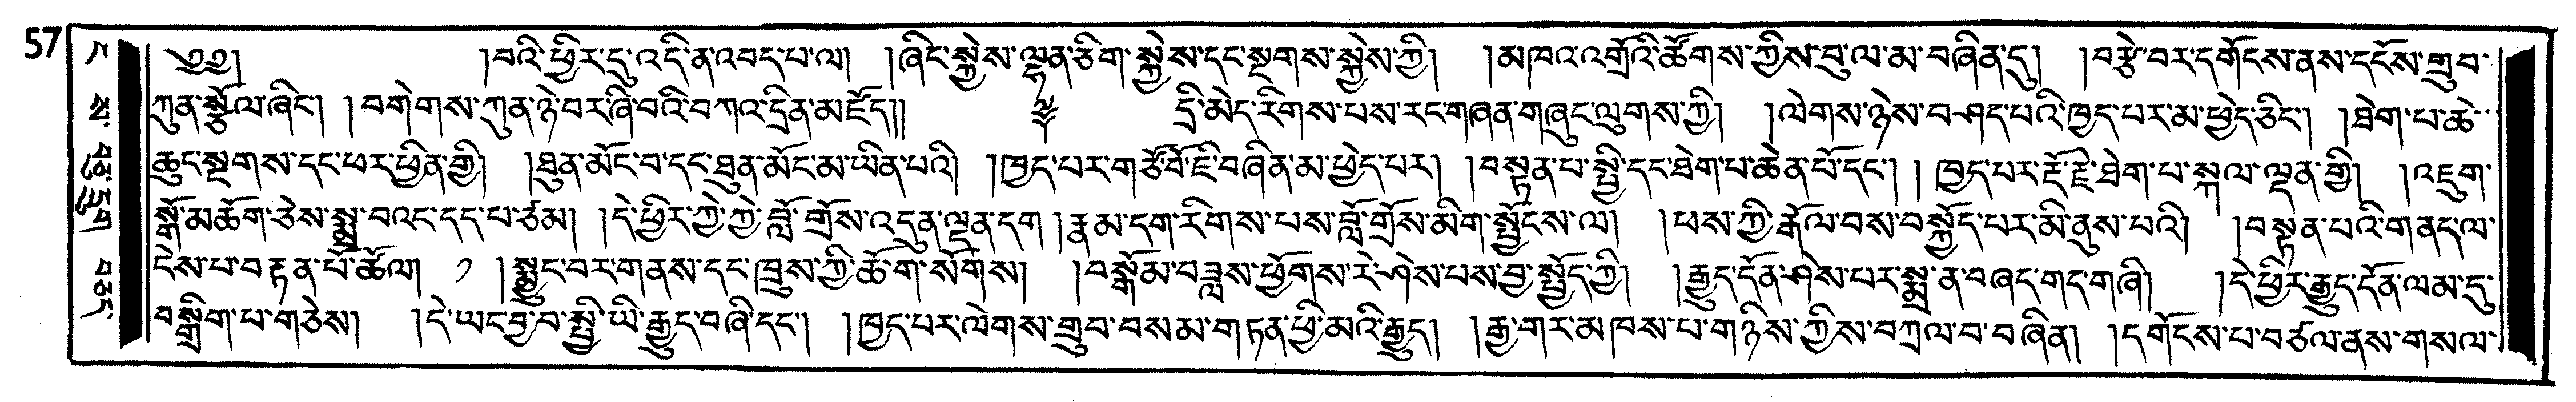༄༅། །བའི་ཕྱིར་དུ་འདི་ན་འབད་པ་ལ། །ཞིང་སྐྱེས་ལྷན་ཅིག་སྐྱེས་དང་སྔགས་སྐྱེས་ཀྱི། །མཁའ་འགྲོའི་ཚོགས་ཀྱིས་བུ་ལ་མ་བཞིན་དུ། །བརྩེ་བར་དགོངས་ནས་དངོས་གྲུབ་
ཀུན་སྩོལ་ཞིང་། །བགེགས་ཀུན་ཉེ་བར་ཞི་བའི་བཀའ་དྲིན་མཛོད།། ༈ དྲི་མེད་རིགས་པས་རང་གཞན་གཞུང་ལུགས་ཀྱི། །ལེགས་ཉེས་བཤད་པའི་ཁྱད་པར་མ་ཕྱེད་ཅིང་། །ཐེག་པ་ཆེ་
ཆུང་སྔགས་དང་ཕར་ཕྱིན་གྱི། །ཐུན་མོང་བ་དང་ཐུན་མོང་མ་ཡིན་པའི། །ཁྱད་པར་གཙོ་བོ་ཇི་བཞིན་མ་ཕྱེད་པར། །བསྟན་པ་སྤྱི་དང་ཐེག་པ་ཆེན་པོ་དང་། །ཁྱད་པར་རྡོ་རྗེ་ཐེག་པ་སྐལ་ལྡན་གྱི། །འཇུག་
སྒོ་མཆོག་ཅེས་སྨྲ་བའང་དད་པ་ཙམ། །དེ་ཕྱིར་ཀྱེ་ཀྱེ་བློ་གྲོས་འདུན་ལྡན་དག །རྣམ་དག་རིགས་པས་བློ་གྲོས་མིག་སྤྱོངས་ལ། །ཕས་ཀྱི་རྒོལ་བས་བསྐྱོད་པར་མི་ནུས་པའི། །བསྟན་པའི་གནད་ལ་
ངེས་པ་བརྟན་པོ་ཚོལ། ༡་།སྨྱུང་བར་གནས་དང་ཁྲུས་ཀྱི་ཆོ་ག་སོགས། །བསྒོམ་བཟླས་ཕྱོགས་རེ་ཤེས་པས་བྱ་སྤྱོད་ཀྱི། །རྒྱུད་དོན་ཤེས་པར་སྨྲ་ན་བཞད་གད་གཞི། །དེ་ཕྱིར་རྒྱུད་དོན་ལམ་དུ་
བསྒྲིག་པ་གཅེས། །དེ་ཡང་བྱ་བ་སྤྱི་ཡི་རྒྱུད་བཞི་དང་། །ཁྱད་པར་ལེགས་གྲུབ་བསམ་གཏན་ཕྱི་མའི་རྒྱུད། །རྒྱ་གར་མཁས་པ་གཉིས་ཀྱིས་བཀྲལ་བ་བཞིན། །དགོངས་པ་བཙལ་ནས་གསལ་